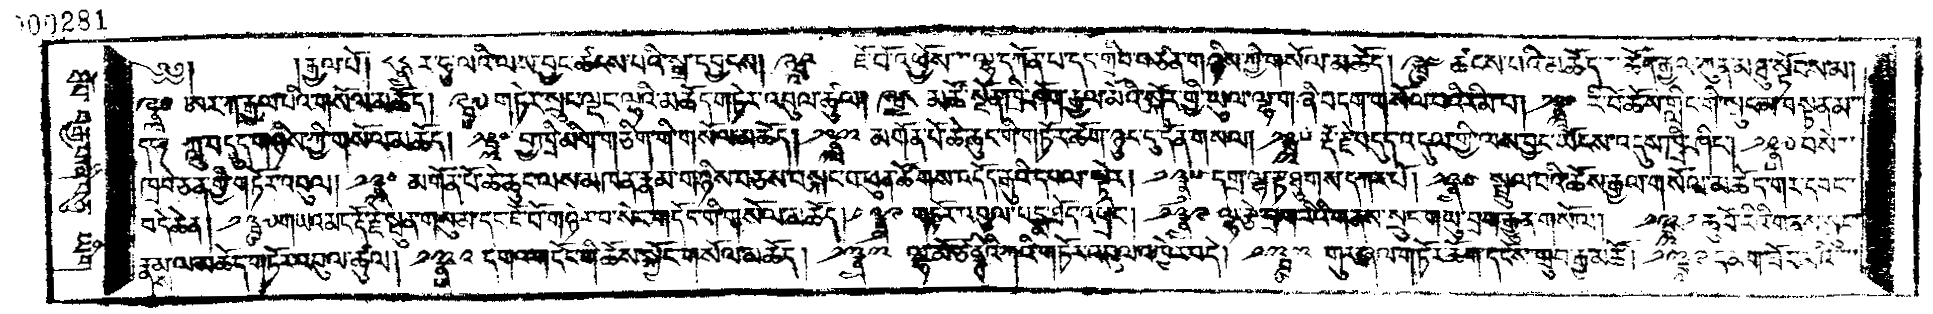༄༅། །རྒྱལ་པོ། ༨༨ན༤་ར་ཧུ་ལའི་ལས་བྱང་ཚངས་པའི་སྒྲ་དབྱངས། ༩༢བ༢་ཇོ་བོ་འཕྱོས་ལྷ་དཀོན་པ་དང་གྲིབ་བཙན་གཉིས་ཀྱི་གསོལ་མཆོད། ༩༤བ༦་ཚངས་པའི་མཆོད་ཆོག་རྒྱལ་ཀུན་མཐུ་སྟོབས་མ།
༩༦ན༣་ཨར་ཀ་རྒྱལ་པའི་གསོལ་མཆོད། ༩༧བ༥་གཏེར་སྲུང་ལྡང་ལྷའི་མཆོད་གཏེར་འབུལ་ཚུལ། ༩༨བ༤་མཚོ་སྔོན་ཁྲི་ཤོག་རྒྱལ་མོའི་སྐོར་གྱི་ཡུལ་ལྷ་གཞི་བདག་གསོལ་བའི་རིམ་པ། ༡༠༠ན༣་རི་བོ་ཆོས་གླིང་གི་སྲུང་མ་བསྟན་མ་
དང༑ ཀླུ་བདུད་གཉིས་ཀྱི་གསོལ་མཆོད། ༡༠༠བ༣་བྱ་ཁྲི་མིག་གཅིག་གི་གསོལ་མཆོད ༡༠༣ན༣་མགོན་པོ་ཆེ་ཆུང་གི་གཏོར་ཆོག་ཉུང་དུ་དོན་གསལ། ༡༠༥བ༣་རྡོ་རྗེ་བདུད་འདུལ་གྱི་ལས་བྱང་ཡོངས་འདུས་ཁྲི་ཤིང་། ༡༠༧ན༥་བསེ་
ཁྲབ་ཅན་གྱི་གཏོར་འབུལ། ༡༢༠ན༣་མགོན་པོ་ཆེ་ཆུང་ལས་མཁན་རྣམ་གཉིས་བཅས་བསྐང་བ་ཕུན་ཚོགས་འདོད་རྒུའི་དཔལ་སྟེར། ༡༢༥ན༡་དགྲ་ལྷ་རྟ་ཐུགས་དཀར་པོ། ༡༢༦ན༤་སྤྲུལ་བའི་ཆོས་རྒྱལ་གསོལ་མཆོད་གར་དབང་
བདེ་ཆེན། ༡༢༧བ༦་གཡའ་མང་རྡོ་རྗེ་སྤུན་གསུམ་དང་ཇོ་བོ་གཉེར་བ་སེང་གདོང་གི་གསོལ་མཆོད། ༡༢༩ན༡་གཏོར་འབུལ་པདམ་ཐོད་འཕྲེང་། ༡༢༩ན༤་ལྷ་རྩེ་བྲག་རིའི་གནས་སྲུང་གཡུ་བྲག་རྒྱུན་གསོལ། ༡༣༡བ༣་ཆུ་བོ་རིའི་གནས་སྲུང་
རྣམས་ལ་མཆོད་གཏོར་འབུལ་ཚུལ། ༡༣༢ན༥་དགའ་གདོང་གི་ཆོས་སྐྱོང་གསོལ་མཆོད། ༡༣༣ན༤་ལྷ་མོ་ཙ་ནྚིའི་ཀའི་གཏོར་འབུལ་འཁྱེར་བདེ། ༡༣༣བ༦་གུར་ཞལ་གཏོར་ཆོག་དངོས་གྲུབ་རྒྱ་མཚོ། ༡༣༩བ༢་དམག་ཟོར་མའི་